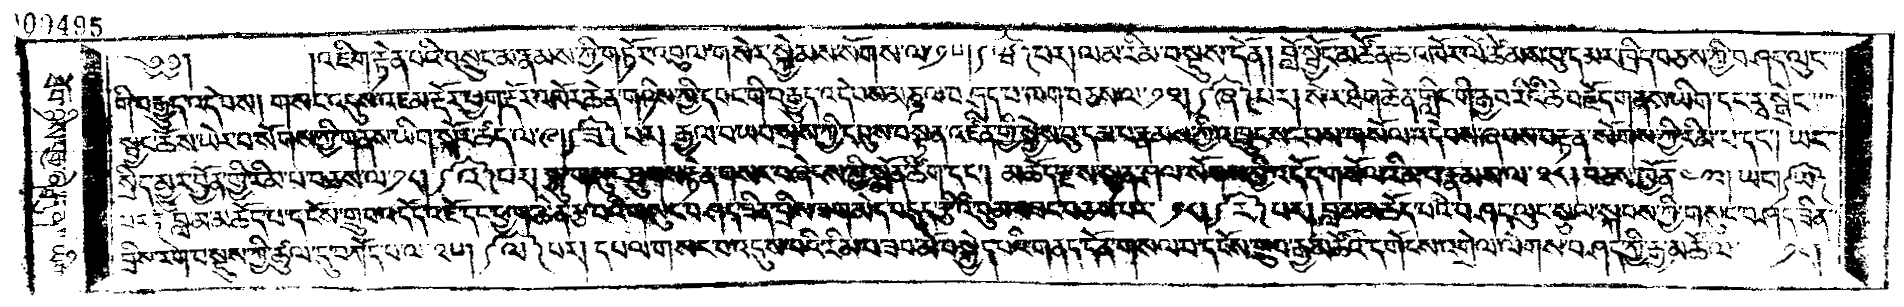༄༅། །འཇིག་རྟེན་པའི་བསྲུང་མ་རྣམས་ཀྱི་གཏོར་འབུལ་གསེར་སྐྱེམས་སོགས་ལ༡༥། ༼ཝ༽ པར། ལམ་རིམ་བསྡུས་དོན། བློ་སྦྱོང་མཚོན་ཆ་འཁོར་ལོ་ཚེམས་བུ་དམར་ཁྲིད་བཅས་ཀྱི་བཤད་ལུང་
གི་བརྒྱུད་འདེབས། གསང་འདུས་འཇམ་རྡོར་ཕྱག་རྡོར་འཁོར་ཆེན་གཉིས་ཀྱི་དབང་གི་བརྒྱུད་འདེབས་མཎྜལ་བཤད་པ་ཁག་བཅས་ལ༡༢། ༼ཞ༽ པར། སེ་ར་ཐེག་ཆེན་གླིང་གི་རྒྱབ་རིའི་ཆེ་བརྗོད་གནས་ཡིག་དང་རྭ་སྒྲེང་
སྦྱང་ཆོས་ཡེར་བ་སོགས་ཀྱི་གནས་ཡིག་སྐོར་ཚད་ལ༩། ༼ཟ༽ པར། རྒྱལ་བ་ཡབ་སྲས་ཀྱི་དབུས་བསྟན་འཛིན་གྱི་སྐྱེས་བུ་དམ་པ་རྣམས་ཀྱི་འཁྲུངས་ང་བས་གསོལ་འདེབས་ཞབས་བརྟན་སོགས་ཀྱི་རིམ་པ་དང་། ཡང་
སྲིད་མྱུར་བྱོན་གྱི་རིམ་པ་བཅས་ལ༡༨། ༼འ༽ པར། སྐུ་གསུང་ཐུགས་རྟེན་གསར་བཞེངས་ཀྱི་སྨོན་ཚིག་དང་། མཆོད་རྫས་སྙན་ཤལ་སོགས་ཀྱི་འདོད་གསོལ་རིམ་པ་རྣམས་ལ༢༨། བཅས་ཁྱོན ༤༣། ཡང་། ༼ཡ༽
པར༈ བླ་མ་མཆོད་པ་དངོས་གྲུབ་འདོད་འཇོ་དང་ཕྱག་ཆེན་རྩ་བའི་གསུང་བཤད་ཟིན་བྲིས་ཟག་མེད་བདུད་རྩིའི་བུམ་བཟང་བཅས་པར ༡༨། ༼ར༽ པར། བླ་མ་མཆོད་པའི་བཤད་ལུང་སྩལ་སྐབས་ཀྱི་གསུང་བཤད་ཟིན་
བྲིས་རག་བསྡུས་ཀྱི་ཚུལ་དུ་བཀོད་པ་ལ ༢༥། ༼ལ༽ པར། དཔལ་གསང་བ་འདུས་པའི་རིམ་པ་ཟབ་མོ་བསྐྱེད་པའི་གནད་དོན་གསལ་བ་དངོས་གྲུབ་རྒྱ་མཚོའི་དགོངས་འགྲེལ་ལེགས་བཤད་ཀྱི་རྒྱ་མཚོ་ལ ༡༨།